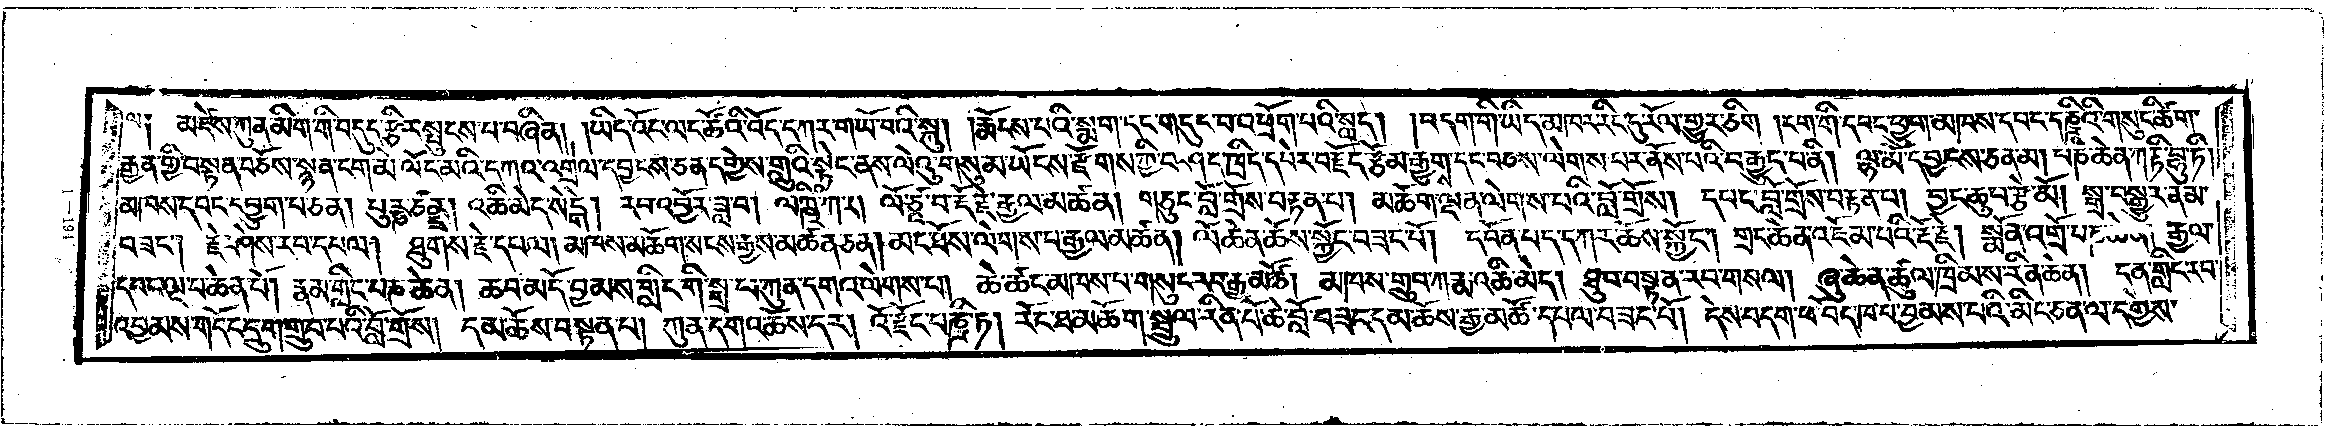ལ༑ མཛེས་ཀུན་མིག་གི་བདུད་རྩིར་སྤུངས་པ་བཞིན། །ཡིད་འོང་ལང་ཚོའི་འོད་དཀར་གཡོ་བའི་སྐུ། །རྨོངས་པའི་སྨག་དང་གདུང་བ་འཕྲོག་པའི་སླད། །བདག་གི་ཡིད་མཁར་རིང་དུ་རོལ་གྱུར་ཅིག །ངག་གི་དབང་ཕྱུག་མཁས་དབང་དཎྜཱིའི་གསུང་ཚིག་
རྒྱན་གྱི་བསྟན་བཅོས་སྙན་ངག་མེ་ལོང་མའི་དཀའ་འགྲེལ་དབྱངས་ཅན་དགྱེས་གླུའི་སྟེང་ནས་ལེའུ་གསུམ་ཡོངས་རྫོགས་ཀྱི་བཤད་ཁྲིད་དཔེར་བརྗོད་རྩོམ་རྒྱུགས་དང་བཅས་ལེགས་པར་ནོས་པའི་བརྒྱུད་པ་ནི། ལྷ་མོ་དབྱངས་ཅན་མ། པཎ་ཆེན་ཀརྟི་བྷུ་ཏི།
མཁས་དབང་དབྱུག་པ་ཅན། པུརྞ་ཙནྡྲ། འཆི་མེད་སེངྒེ། རབ་འབྱོར་ཟླ་བ། ལཀྵྲིཾ་ཀ་ར། ལོ་ཙཱ་བ་རྡོ་རྗེ་རྒྱལ་མཚན། གཅུང་བློ་གྲོས་བརྟན་པ། མཆོག་ལྡན་ལེགས་པའི་བློ་གྲོས། དབང་བློ་གྲོས་བརྟན་པ། བྱང་ཆུབ་རྩེ་མོ། སྒྲ་བསྒྱུར་ནམ་
བཟང་། རྗེ་ཤེས་རབ་དཔལ། ཐུགས་རྗེ་དཔལ། མཁས་མཆོག་སངས་རྒྱས་མཚན་ཅན། མང་ཐོས་ལེགས་པ་རྒྱལ་མཚན། ལོ་ཆེན་ཆོས་སྐྱོང་བཟང་པོ། དབོན་པད་དཀར་ཆོས་སྐྱོང་། གྲངས་ཆེན་འཇོམ་པའི་རྡོ་རྗེ། སྨོན་འགྲོ་པཎ་ཆེན། རྒྱལ་
དཔའ་ལྔ་པ་ཆེན་པོ། རྣམ་གླིང་པཎ་ཆེན། ཆབ་མདོ་བྱམས་གླིང་གི་སྒྲ་པ་ཀུན་དགའ་ལེགས་པ། ཆེ་ཚང་མཁས་པ་གསུང་རབ་རྒྱ་མཚོ། མཁས་གྲུབ་ཀརྨ་འཆི་མེད། ཐུབ་བསྟན་རབ་གསལ། ཞུ་ཆེན་ཚུལ་ཁྲིམས་རིན་ཆེན། དན་གླིང་རབ་
འབྱམས་གདོང་དྲུག་གྲུབ་པའི་བློ་གྲོས། དམ་ཆོས་བསྟན་པ། ཀུན་དགའ་ཆོས་དར། འོ་རྫོང་པཎྜི་ཏ། རོང་ཐ་མཆོག་སྤྲུལ་རིན་པོ་ཆེ་བློ་བཟང་དམ་ཆོས་རྒྱ་མཚོ་དཔལ་བཟང་པོ། དེས་བདག་ཕ་བོད་ཁ་པ་བྱམས་པའི་མིང་ཅན་ལ་དགྱེས་